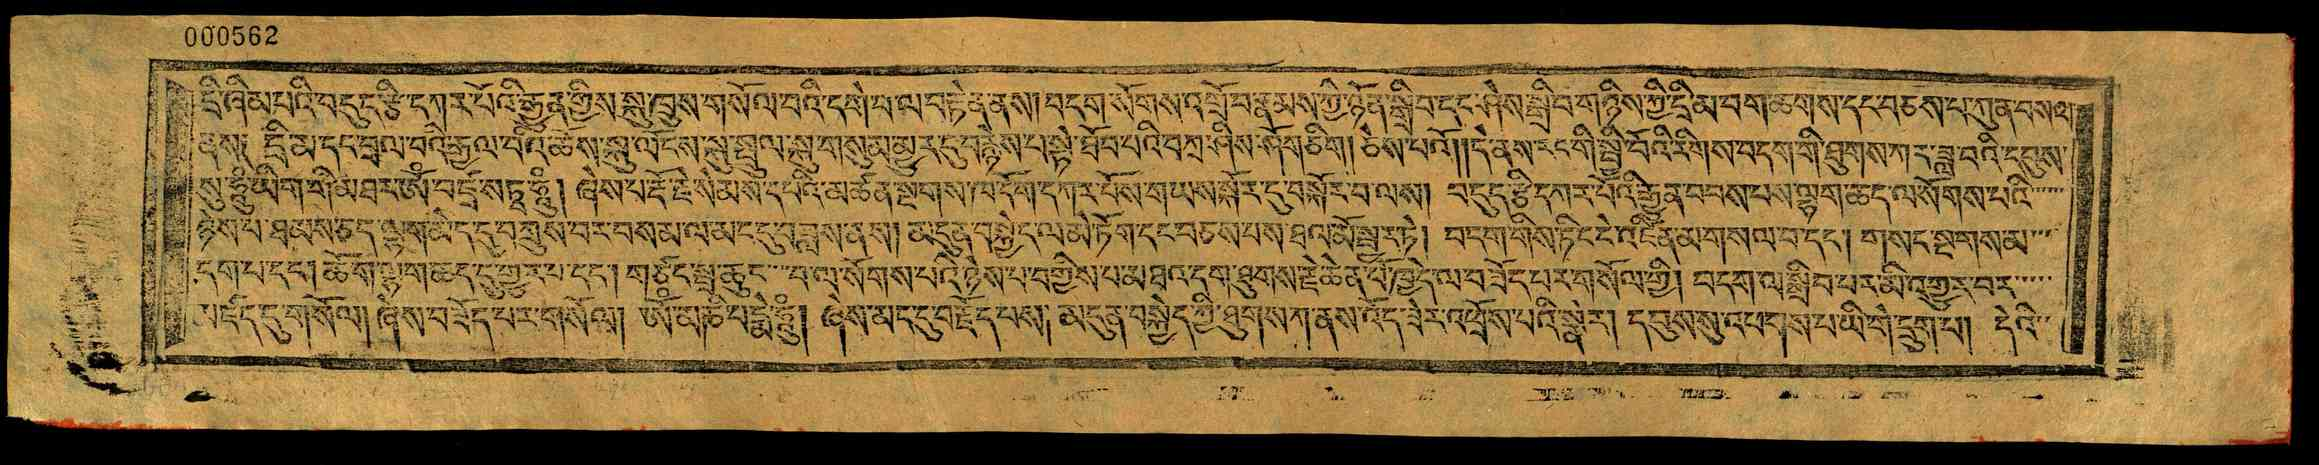དྲི་ཞིམ་པའི་བདུད་རྩི་དཀར་པོའི་རྒྱུན་གྱིས་སྐུ་ཁྲུས་གསོལ་བའི་དགེ་བ་ལ་བརྟེན་ནས། བདག་སོགས་འགྲོ་བ་རྣམས་ཀྱི་ཉོན་སྒྲིབ་དང་ཤེས་སྒྲིབ་གཉིས་ཀྱི་དྲི་མ་བག་ཆགས་དང་བཅས་པ་ཀུན་བསལ་
ནས༑ དྲི་མ་དང་བྲལ་བའི་རྒྱལ་བའི་ཆོས་སྐུ་ལོངས་སྐུ་སྤྲུལ་སྐུ་གསུམ་མྱུར་དུ་བརྙེས་པ་སྟེ་ཐོབ་པའི་བཀྲ་ཤིས་ཤོག་ཅིག །ཅེས་པའོ། །དེ་ནས་རང་གི་སྤྱི་བོའི་རིགས་བདག་གི་ཐུགས་ཀར་ཟླ་བའི་དབུས་
སུ་ཧཱུཾ་ཡིག་གི་མཐར་ཨོཾ་བཛྲ་སཏྭ་ཧཱུཾ། ཞེས་པ་རྡོ་རྗེ་སེམས་དཔའི་མཚན་སྔགས་ཁ་དོག་དཀར་པོས་གཡས་སྐོར་དུ་བསྐོར་བ་ལས། བདུད་རྩི་དཀར་པོའི་རྒྱུན་བབས་པས་ལྷག་ཆད་ལ་སོགས་པའི་
ཉེས་པ་ཐམས་ཅད་ལྷག་མེད་དུ་བཀྲུས་པར་བསམ་ལ་མང་དུ་བཟླས་ནས། མདུན་བསྐྱེད་ལ་མེ་ཏོག་དང་བཅས་པས་ཐལ་མོ་སྦྱར་ཏེ། བདག་གིས་ཏིང་ངེ་འཛིན་མ་གསལ་བ་དང་། གསང་སྔགས་མ་
དག་པ་དང་། ཆོ་ག་ལྷག་ཆད་དུ་གྱུར་པ་དང་། གཙང་སྦྲ་ཆུང་བ་ལ་སོགས་པའི་ཉེས་པ་བགྱིས་པ་མཐའ་དག་ཐུགས་རྗེ་ཆེན་པོ་ཁྱེད་ལ་བཟོད་པར་གསོལ་གྱི། བདག་ལ་སྒྲིབ་པར་མི་འགྱུར་བར་
མཛད་དུ་གསོལ། ཞེས་བཟོད་པར་གསོལ། ཨོཾ་མ་ཎི་པདམེ་ཧཱུཾ། ཞེས་མང་དུ་བརྗོད་པས། མདུན་བསྐྱེད་ཀྱི་ཐུགས་ཀ་ནས་འོད་ཟེར་འཕྲོས་པའི་སྣེར། དབུས་སུ་འཕགས་པ་ཡི་གེ་དྲུག་པ། དེའི་